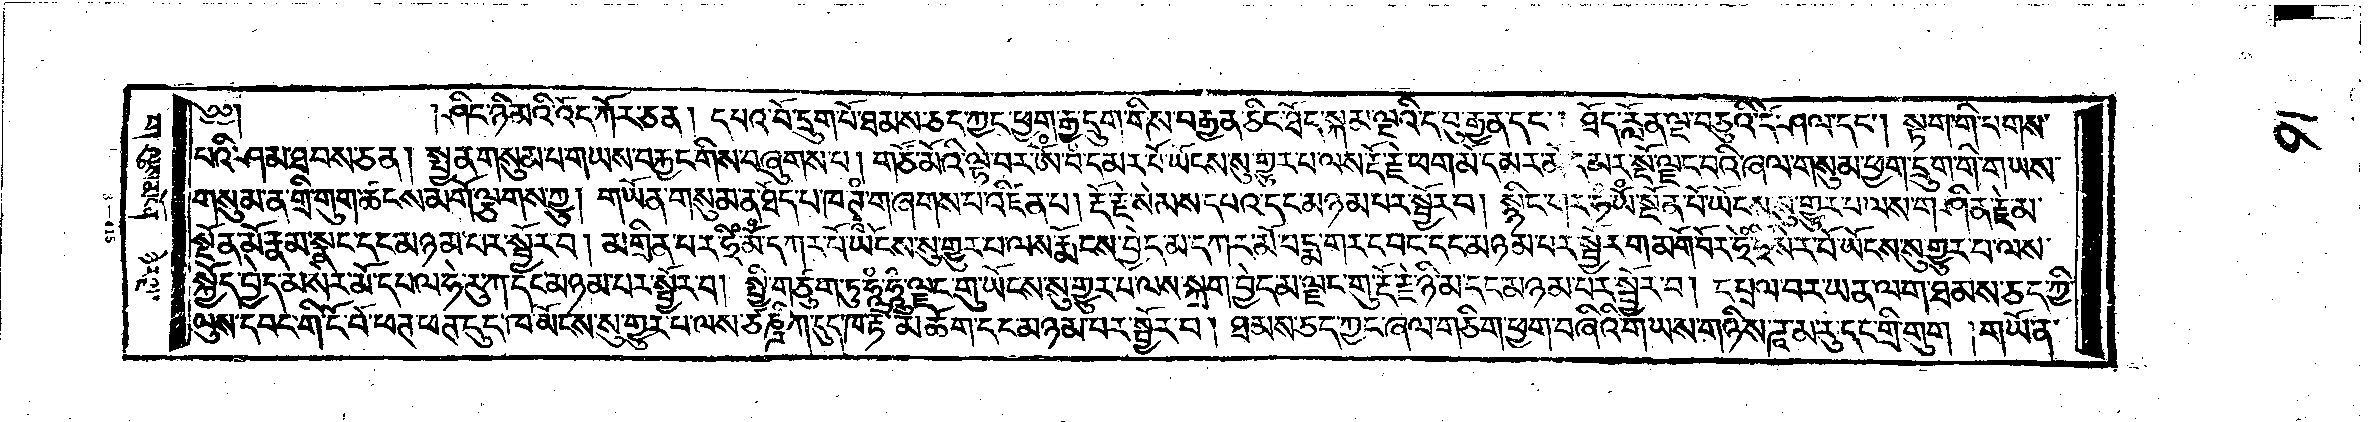༄༅། །ཤིང་ཉི་མའི་འོད་ཀོར་ཅན། དཔའ་བོ་དྲུག་པོ་ཐམས་ཅད་ཀྱང་ཕྱག་རྒྱ་དྲུག་གིས་བརྒྱན་ཅིང་ཐོད་སྐམ་ལྔའི་དབུ་རྒྱན་དང་། ཐོད་རློན་ལྔ་བཅུའི་དོ་ཤལ་དང་། སྟག་གི་པགས་
པའི་ཤམ་ཐབས་ཅན། སྤྱན་གསུམ་པ་གཡས་བརྐྱང་གིས་བཞུགས་པ། གཙོ་མོའི་ལྟེ་བར་ཨོཾ་བཾ་དམར་པོ་ཡོངས་སུ་གྱུར་པ་ལས་རྡོ་རྗེ་ཕག་མོ་དམར་མོ་དམར་སྔོ་ལྗང་བའི་ཞལ་གསུམ་ཕྱག་དྲུག་གི་གཡས་
གསུམ་ན་གྲི་གུག་ཚངས་མགོ་ལྕགས་ཀྱུ། གཡོན་གསུམ་ན་ཐོད་པ་ཁ་ཊྭཱཾ་ག་ཞགས་པ་འཛིན་པ། རྡོ་རྗེ་སེམས་དཔའ་དང་མཉམ་པར་སྦྱོར་བ། སྙིང་གར་ཧཾ་ཡོཾ་སྔོན་པོ་ཡོངས་སུ་གྱུར་པ་ལས་གཤིན་རྗེ་མ་
སྔོན་མོ་རྣམ་སྣང་དང་མཉམ་པར་སྦྱོར་བ། མགྲིན་པར་ཧྲིཾ་མོཾ་དཀར་པོ་ཡོངས་སུ་གྱུར་པ་ལས་རྨོངས་བྱེད་མ་དཀར་མོ་པདམ་གར་དབང་དང་མཉམ་པར་སྦྱོར་ག་མགོ་བོར་ཧྲེཾ་ཧྲིཾ་སེར་པོ་ཡོངས་སུ་གྱུར་པ་ལས་
སྐྱོད་བྱེད་མ་སེར་མོ་དཔལ་ཧེ་རུ་ཀ་དང་མཉམ་པར་སྦྱོར་བ། སྤྱི་གཙུག་ཏུ་ཧཱུཾ་ཧཱུཾ་ལྗང་གུ་ཡོངས་སུ་གྱུར་པ་ལས་སྐྲག་བྱེད་མ་ལྗང་གུ་རྡོ་རྗེ་ཉི་མ་དང་མཉམ་པར་སྦྱོར་བ། དཔྲལ་བར་ཡན་ལག་ཐམས་ཅད་ཀྱི་
ལུས་དབང་གི་ངོ་བོ་ཕཊ་ཕཊ་དུད་ཁ་མོངས་སུ་གྱུར་པ་ལས་ཙཎྜི་ཀ་དུད་ཁ་རྟ་མཆོག་དང་མཉམ་པར་སྦྱོར་བ། ཐམས་ཅད་ཀྱང་ཞལ་གཅིག་ཕྱག་བཞིའི་གཡས་གཉིས་ཌཱ་མ་རུ་དང་གྲི་གུག །གཡོན་